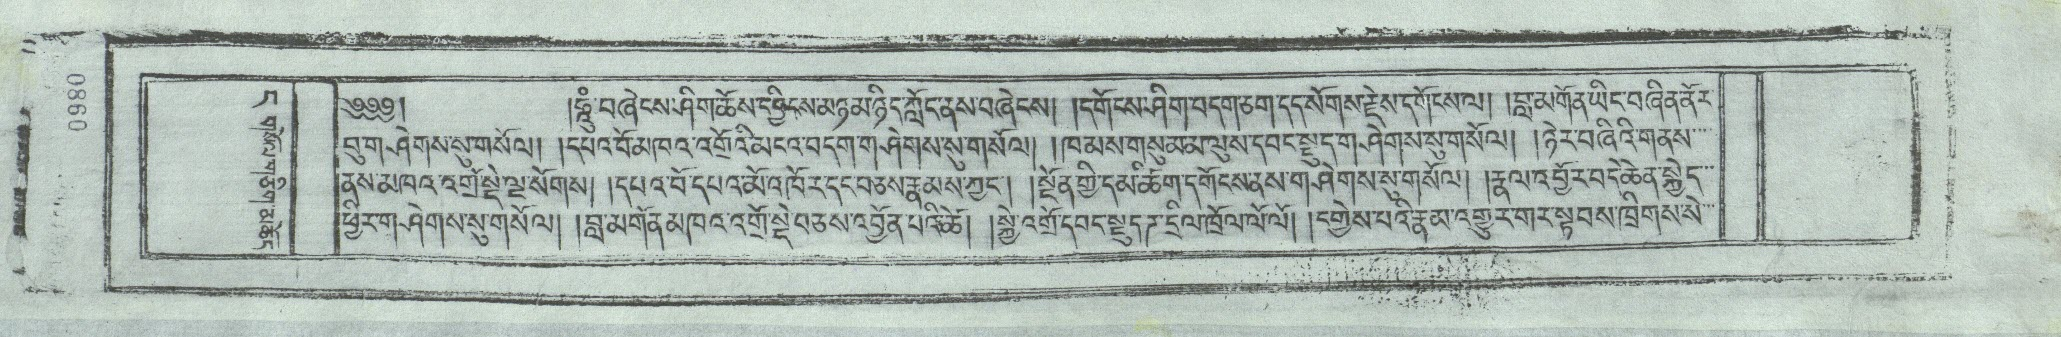༄༅༅། །ཧཱུཾ་བཞེངས་ཤིག་ཆོས་དབྱིངས་མཉམ་ཉིད་ཀློང་ནས་བཞེངས། །དགོངས་ཤིག་བདག་ཅག་དད་སོགས་རྗེས་དགོངས་ལ། །བླ་མགོན་མིང་བཞིན་ནོར་
བུ་གཤེགས་སུ་གསོལ། །དཔའ་བོ་མཁའ་འགྲོའི་མངའ་བདག་གཤེགས་སུ་གསོལ། །ཁམས་གསུམ་མ་ལུས་དབང་སྡུད་གཤེགས་སུ་གསོལ། །ཉེར་བཞིའི་གནས་
ནས་མཁའ་འགྲོ་སྡེ་ལྔ་སོགས། །དཔའ་བོ་དཔའ་མོ་འཁོར་དང་བཅས་རྣམས་ཀྱང་། །སྔོན་གྱི་དམ་ཚིག་དགོངས་ནས་གཤེགས་སུ་གསོལ། །རྣལ་འབྱོར་བདེ་ཆེན་སྐྱེད་
ཕྱིར་གཤེགས་སུ་གསོལ། །བླ་མགོན་མཁའ་འགྲོ་སྡེ་བཅས་འབྱོན་པའི་ཚེ། །སྐྱེ་འགྲོ་དབང་སྡུད་ཊ་དྲིལ་ཁྲོལ་ལོ་ལོ། །དགྱེས་པའི་རྣམ་འགྱུར་གར་སྟབས་ཁྲིགས་སེ་